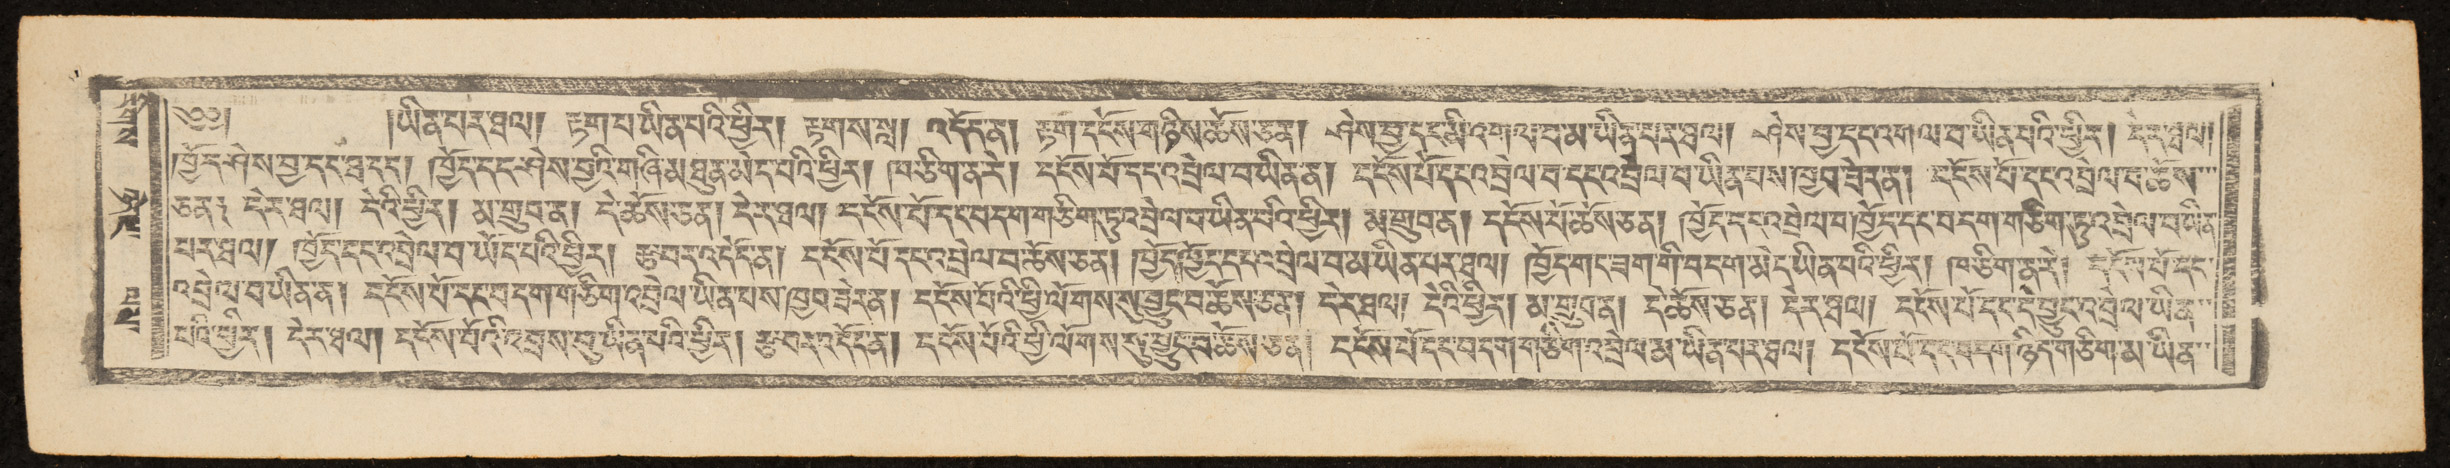༄༅། །ཡིན་པར་ཐལ། རྟག་པ་ཡིན་པའི་ཕྱིར། རྟགས་སླ། འདོད་ན། རྟག་དངོས་གཉིས་ཆོས་ཅན། ཤེས་བྱ་དང་མི་འགལ་བ་མ་ཡིན་པར་ཐལ། ཤེས་བྱ་དང་འགལ་བ་ཡིན་པའི་ཕྱིར། དེར་ཐལ།
ཁྱོད་ཤེས་བྱ་དང་ཐ་དད། ཁྱོད་དང་ཤེས་བྱའི་གཞི་མཐུན་མེད་པའི་ཕྱིར། ཁ་ཅིག་ན་རེ། དངོས་པོ་དང་འབྲེལ་བ་ཡིན་ན། དངོས་པོ་དང་འབྲེལ་བ་དང་འབྲེལ་བ་ཡིན་པས་ཁྱབ་ཟེར་ན། དངོས་པོ་དང་འབྲེལ་བ་ཆོས་
ཅན། དེར་ཐལ། དེའི་ཕྱིར། མ་གྲུབ་ན། དེ་ཆོས་ཅན། དེར་ཐལ། དངོས་པོ་དང་བདག་གཅིག་ཏུ་འབྲེལ་བ་ཡིན་པའི་ཕྱིར། མ་གྲུབ་ན། དངོས་པོ་ཆོས་ཅན། ཁྱོད་དང་འབྲེལ་བ་ཁྱོད་དང་བདག་གཅིག་ཏུ་འབྲེལ་བ་ཡིན་
པར་ཐལ། ཁྱོད་དང་འབྲེལ་བ་ཡོད་པའི་ཕྱིར། རྩ་བར་འདོད་ན། དངོས་པོ་དང་འབྲེལ་བ་ཆོས་ཅན། ཁྱོད་ཁྱོད་དང་འབྲེལ་བ་མ་ཡིན་པར་ཐལ། ཁྱོད་གང་ཟག་གི་བདག་མེད་ཡིན་པའི་ཕྱིར། ཁ་ཅིག་ན་རེ། དངོས་པོ་དང་
འབྲེལ་བ་ཡིན་ན། དངོས་པོ་དང་བདག་གཅིག་འབྲེལ་ཡིན་པས་ཁྱབ་ཟེར་ན། དངོས་པོའི་ཕྱི་ལོགས་སུ་བྱུང་བ་ཆོས་ཅན། དེར་ཐལ། དེའི་ཕྱིར། མ་གྲུབ་ན། དེ་ཆོས་ཅན། དེར་ཐལ། དངོས་པོ་དང་དེ་བྱུང་འབྲེལ་ཡིན་
པའི་ཕྱིར། དེར་ཐལ། དངོས་པོའི་འབྲས་བུ་ཡིན་པའི་ཕྱིར། རྩ་བར་འདོད་ན། དངོས་པོའི་ཕྱི་ལོགས་སུ་བྱུང་བ་ཆོས་ཅན། དངོས་པོ་དང་བདག་གཅིག་འབྲེལ་མ་ཡིན་པར་ཐལ། དངོས་པོ་དང་བདག་ཉིད་གཅིག་མ་ཡིན་